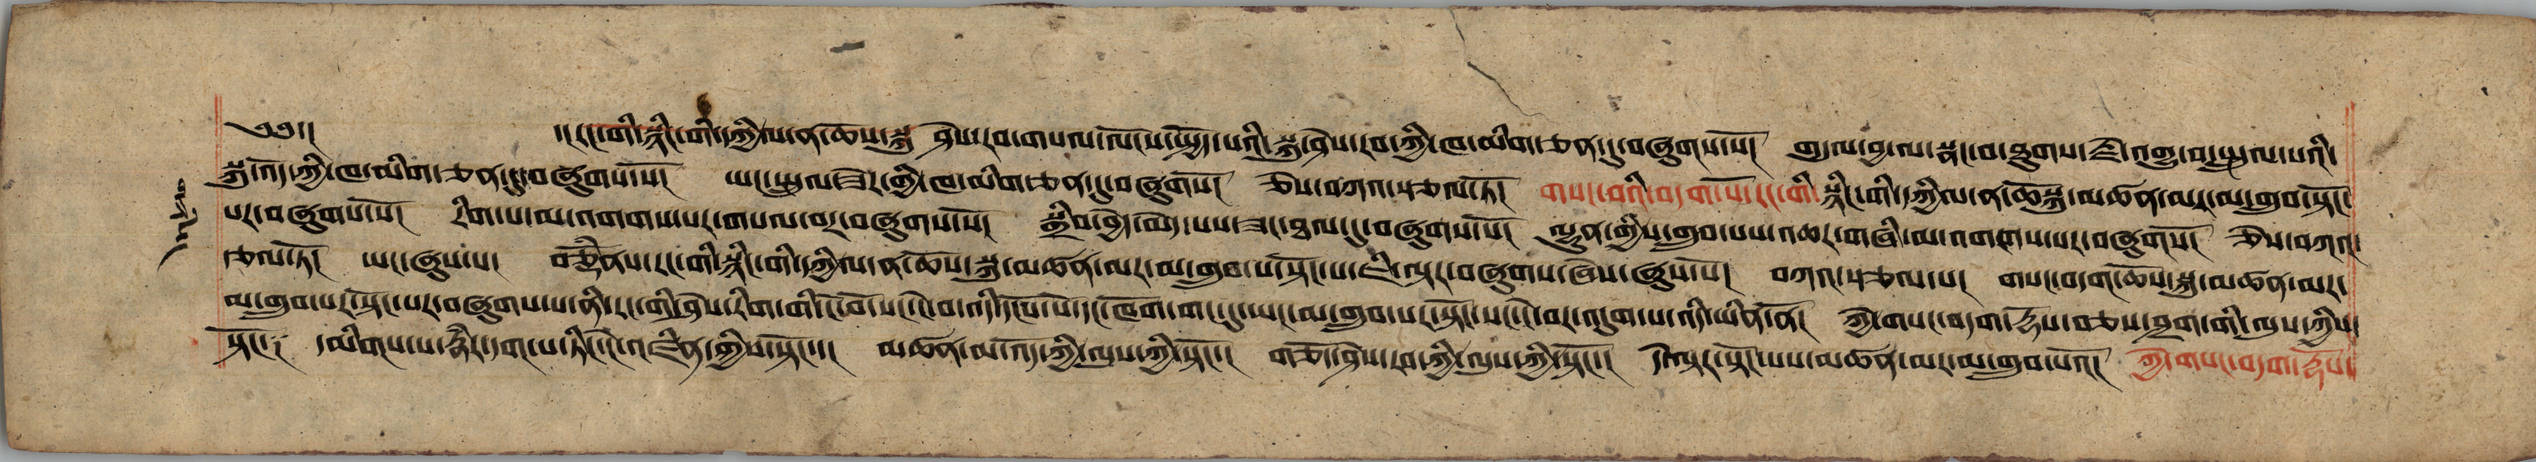༄༅་། ་།རང་གི་སྙིང་གི་དཀྱིལ་ན་ཆོས་སྐུ་ཤེས་རབ་གསལ་ལོངས་སྤྱོད་པའི་སྐུ་ཤེས་རབ་ཀྱི་ཁ་མིག་ཅན་དུ་བཞུགས་སོ། གདུལ་བྱ་ལ་སྣང་བ་ཐུགས་རྗེ་འགྱུ་བ་སྤྲུལ་པའི་
སྐུ་འོད་ཀྱི་ཁ་མིག་ཅན་དུ་བཞུགས་སོ། ཡང་སྤྲུལ་ཟེར་གྱི་ཁ་མིག་ཅན་དུ་བཞུགསོ། ཅེས་བཀའ་སྩལ་ཏོ། གསང་བའི་བདག་པོ་རང་གི་སྙིང་གི་དཀྱིལ་ན་ཆོསྐུ་མཚན་མར་མ་གྲུབ་སྟོང་
པར་བཞུགས་སོ། རིག་པ་མ་འགགས་པར་གསལ་བར་བཞུགས་སོ། སྒྲིབ་བྱེད་མེད་པས་ཟང་ཐལ་དུ་བཞུགས་སོ། ལྷུན་གྱིས་གྲུབ་པས་འཆར་གཞི་མ་འགགས་པར་བཞུགསོ། ཅེས་བཀའ་
རྩལ་ཏོ། ཡང་ཞུས་པ། བཅྡོཾནས་རང་གི་སྙིང་གི་དཀྱིལ་ན་ཆོས་སྐུ་མཚན་མར་མ་གྲུབ་པ་སྟོང་པ་ཇི་ལྟར་བཞུགས་ཞེས་ཞུས་སོ། བཀའ་སྩལ་པ། གསང་བདག་ཆོས་སྐུ་མཚན་མར་
མ་གྲུབ་པར་སྟོང་པར་བཞུགས་པ་ནི་རང་གི་ཤེས་རིག་གི་ངོ་བོ་སང་ངེ་བ་འདི་དངོས་པོ་དང་ཁོག་གང་དུ་ཡང་མ་གྲུབ་པར་སྟོང་སང་ངེ་བར་འདུག་པ་འདི་ཡིན་ནོ། ཀྱེ་གསང་བདག་རྡོས་བཅས་ཤྲག་གི་ལུས་ཀྱིས་
སྟོང་༑ དམིགས་པ་རྣཾར་དག་པ་ཏིང་ངེ་འཛིན་གྱིས་སྟོང་་། མཚན་མ་འོད་ཀྱི་ལུས་ཀྱི་སྟོང་། གཅོད་ཤེར་རབ་ཀྱི་ལུས་ཀྱི་སྟོང་། དེ་ལྟར་སྟོང་པས་མཚན་མར་མ་གྲུབ་པའོ། ཀྱེ་གསང་བདག་རྡོས་